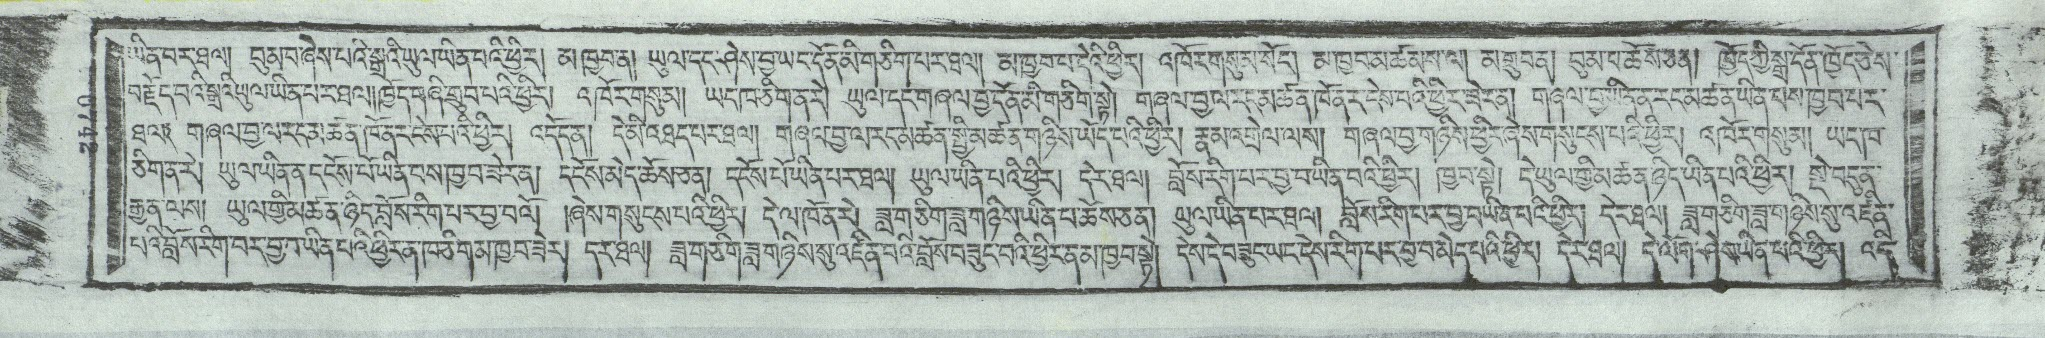ཡིན་པར་ཐལ། བུམ་པ་ཞེས་པའི་སྒྲའི་ཡུལ་ཡིན་པའི་ཕྱིར། མ་ཁྱབ་ན། ཡུལ་དང་ཤེས་བྱ་ཡང་དོན་མི་གཅིག་པར་ཐལ། མ་ཁྱབ་པ་དེའི་ཕྱིར། འཁོར་གསུམ་སོང་། མ་ཁྱབ་མཚམས་ལ། མ་གྲུབ་ན། བུམ་པ་ཆོས་ཅན། ཁྱོད་ཀྱི་སྒྲ་དོན་ཁྱོད་ཅེས་
བརྗོད་པའི་སྒྲའི་ཡུལ་ཡིན་པར་ཐལ། ཁྱོད་གཞི་གྲུབ་པའི་ཕྱིར། འཁོར་གསུམ། ཡང་ཁ་ཅིག་ན་རེ། ཡུལ་དང་གཞལ་བྱ་དོན་མི་གཅིག་སྟེ། གཞལ་བྱ་ལ་རང་མཚན་ཁོ་ནར་ངེས་པའི་ཕྱིར་ཟེར་ན། གཞལ་བྱ་ཡིན་ན་རང་མཚན་ཡིན་པས་ཁྱབ་པར་
ཐལ༑ གཞལ་བྱ་ལ་རང་མཚན་ཁོ་ནར་ངེས་པའི་ཕྱིར། འདོད་ན། དེ་མི་འཐད་པར་ཐལ། གཞལ་བྱ་ལ་རང་མཚན་སྤྱི་མཚན་གཉིས་ཡོད་པའི་ཕྱིར། རྣམ་འགྲེལ་ལས། གཞལ་བྱ་གཉིས་ཕྱིར་ཞེས་གསུངས་པའི་ཕྱིར། འཁོར་གསུམ། ཡང་ཁ་
ཅིག་ན་རེ། ཡུལ་ཡིན་ན་དངོས་པོ་ཡིན་པས་ཁྱབ་ཟེར་ན། དངོས་མེད་ཆོས་ཅན། དངོས་པོ་ཡིན་པར་ཐལ། ཡུལ་ཡིན་པའི་ཕྱིར། དེར་ཐལ། བློས་རིག་པར་བྱ་བ་ཡིན་པའི་ཕྱིར། ཁྱབ་སྟེ། དེ་ཡུལ་གྱི་མཚན་ཉིད་ཡིན་པའི་ཕྱིར། སྡེ་བདུན་
རྒྱན་ལས། ཡུལ་གྱི་མཚན་ཉིད་བློས་རིག་པར་བྱ་བའོ། །ཞེས་གསུངས་པའི་ཕྱིར། དེ་ལ་ཁོ་ན་རེ། ཟླ་གཅིག་ཟླ་གཉིས་ཡིན་པ་ཆོས་ཅན། ཡུལ་ཡིན་པར་ཐལ། བློས་རིག་པར་བྱ་བ་ཡིན་པའི་ཕྱིར། དེར་ཐལ། ཟླ་གཅིག་ཟླ་གཉིས་སུ་འཛིན་
པའི་བློས་རིག་པར་བྱ་བ་ཡིན་པའི་ཕྱིར་ན་ཁ་ཅིག་མ་ཁྱབ་ཟེར། དེར་ཐལ། ཟླ་གཅིག་ཟླ་གཉིས་སུ་འཛིན་པའི་བློས་བཟུང་བའི་ཕྱིར་ན་མ་ཁྱབ་སྟེ། དེས་དེ་བཟུང་ཡང་དེས་རིག་པར་བྱ་བ་མེད་པའི་ཕྱིར། དེར་ཐལ། དེ་ལོག་ཤེས་ཡིན་པའི་ཕྱིར། འདི་